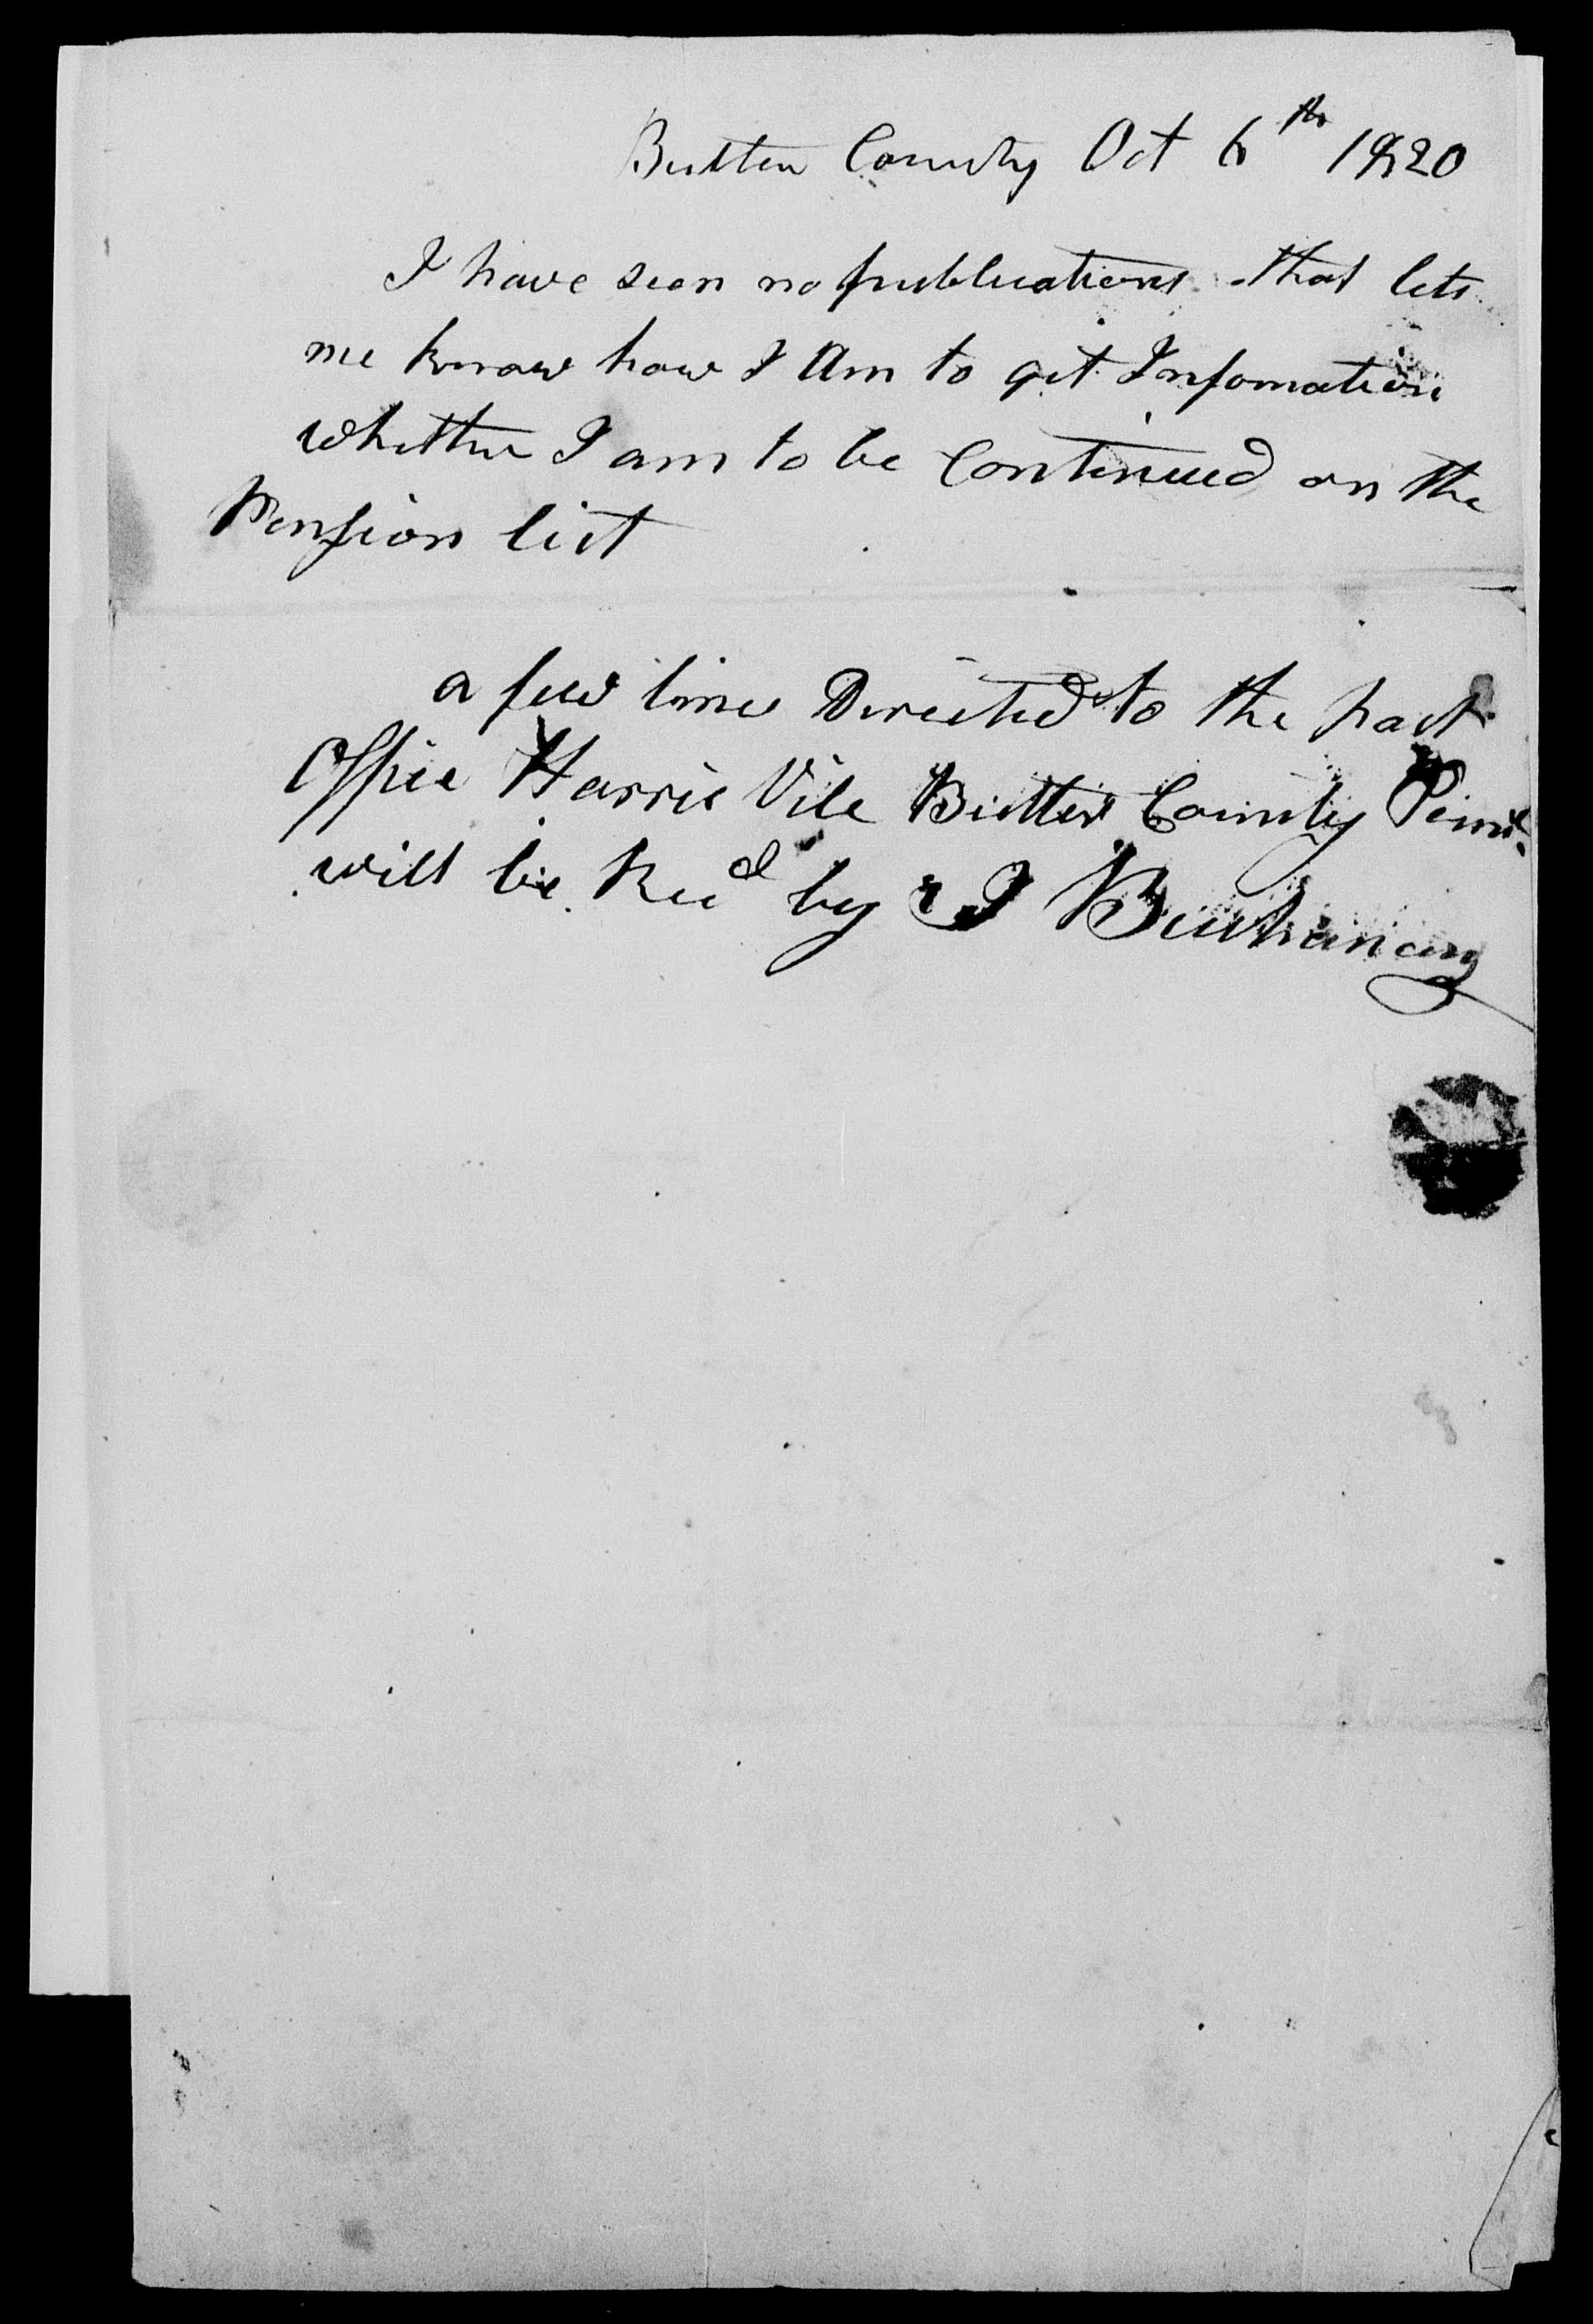Butler County Oct 6th 1820

I have seen no publications that lets me know how I am to get information whether I am to be continued on the pension list

a few times directed to the [illegible] office Harris Vile [Harrisville] Butler County Penns. will be [illegible] I by J Buchanan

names: J Buchanan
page: 8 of 15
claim: survivor's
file: S. 40,765, James Buchanan, Pa.